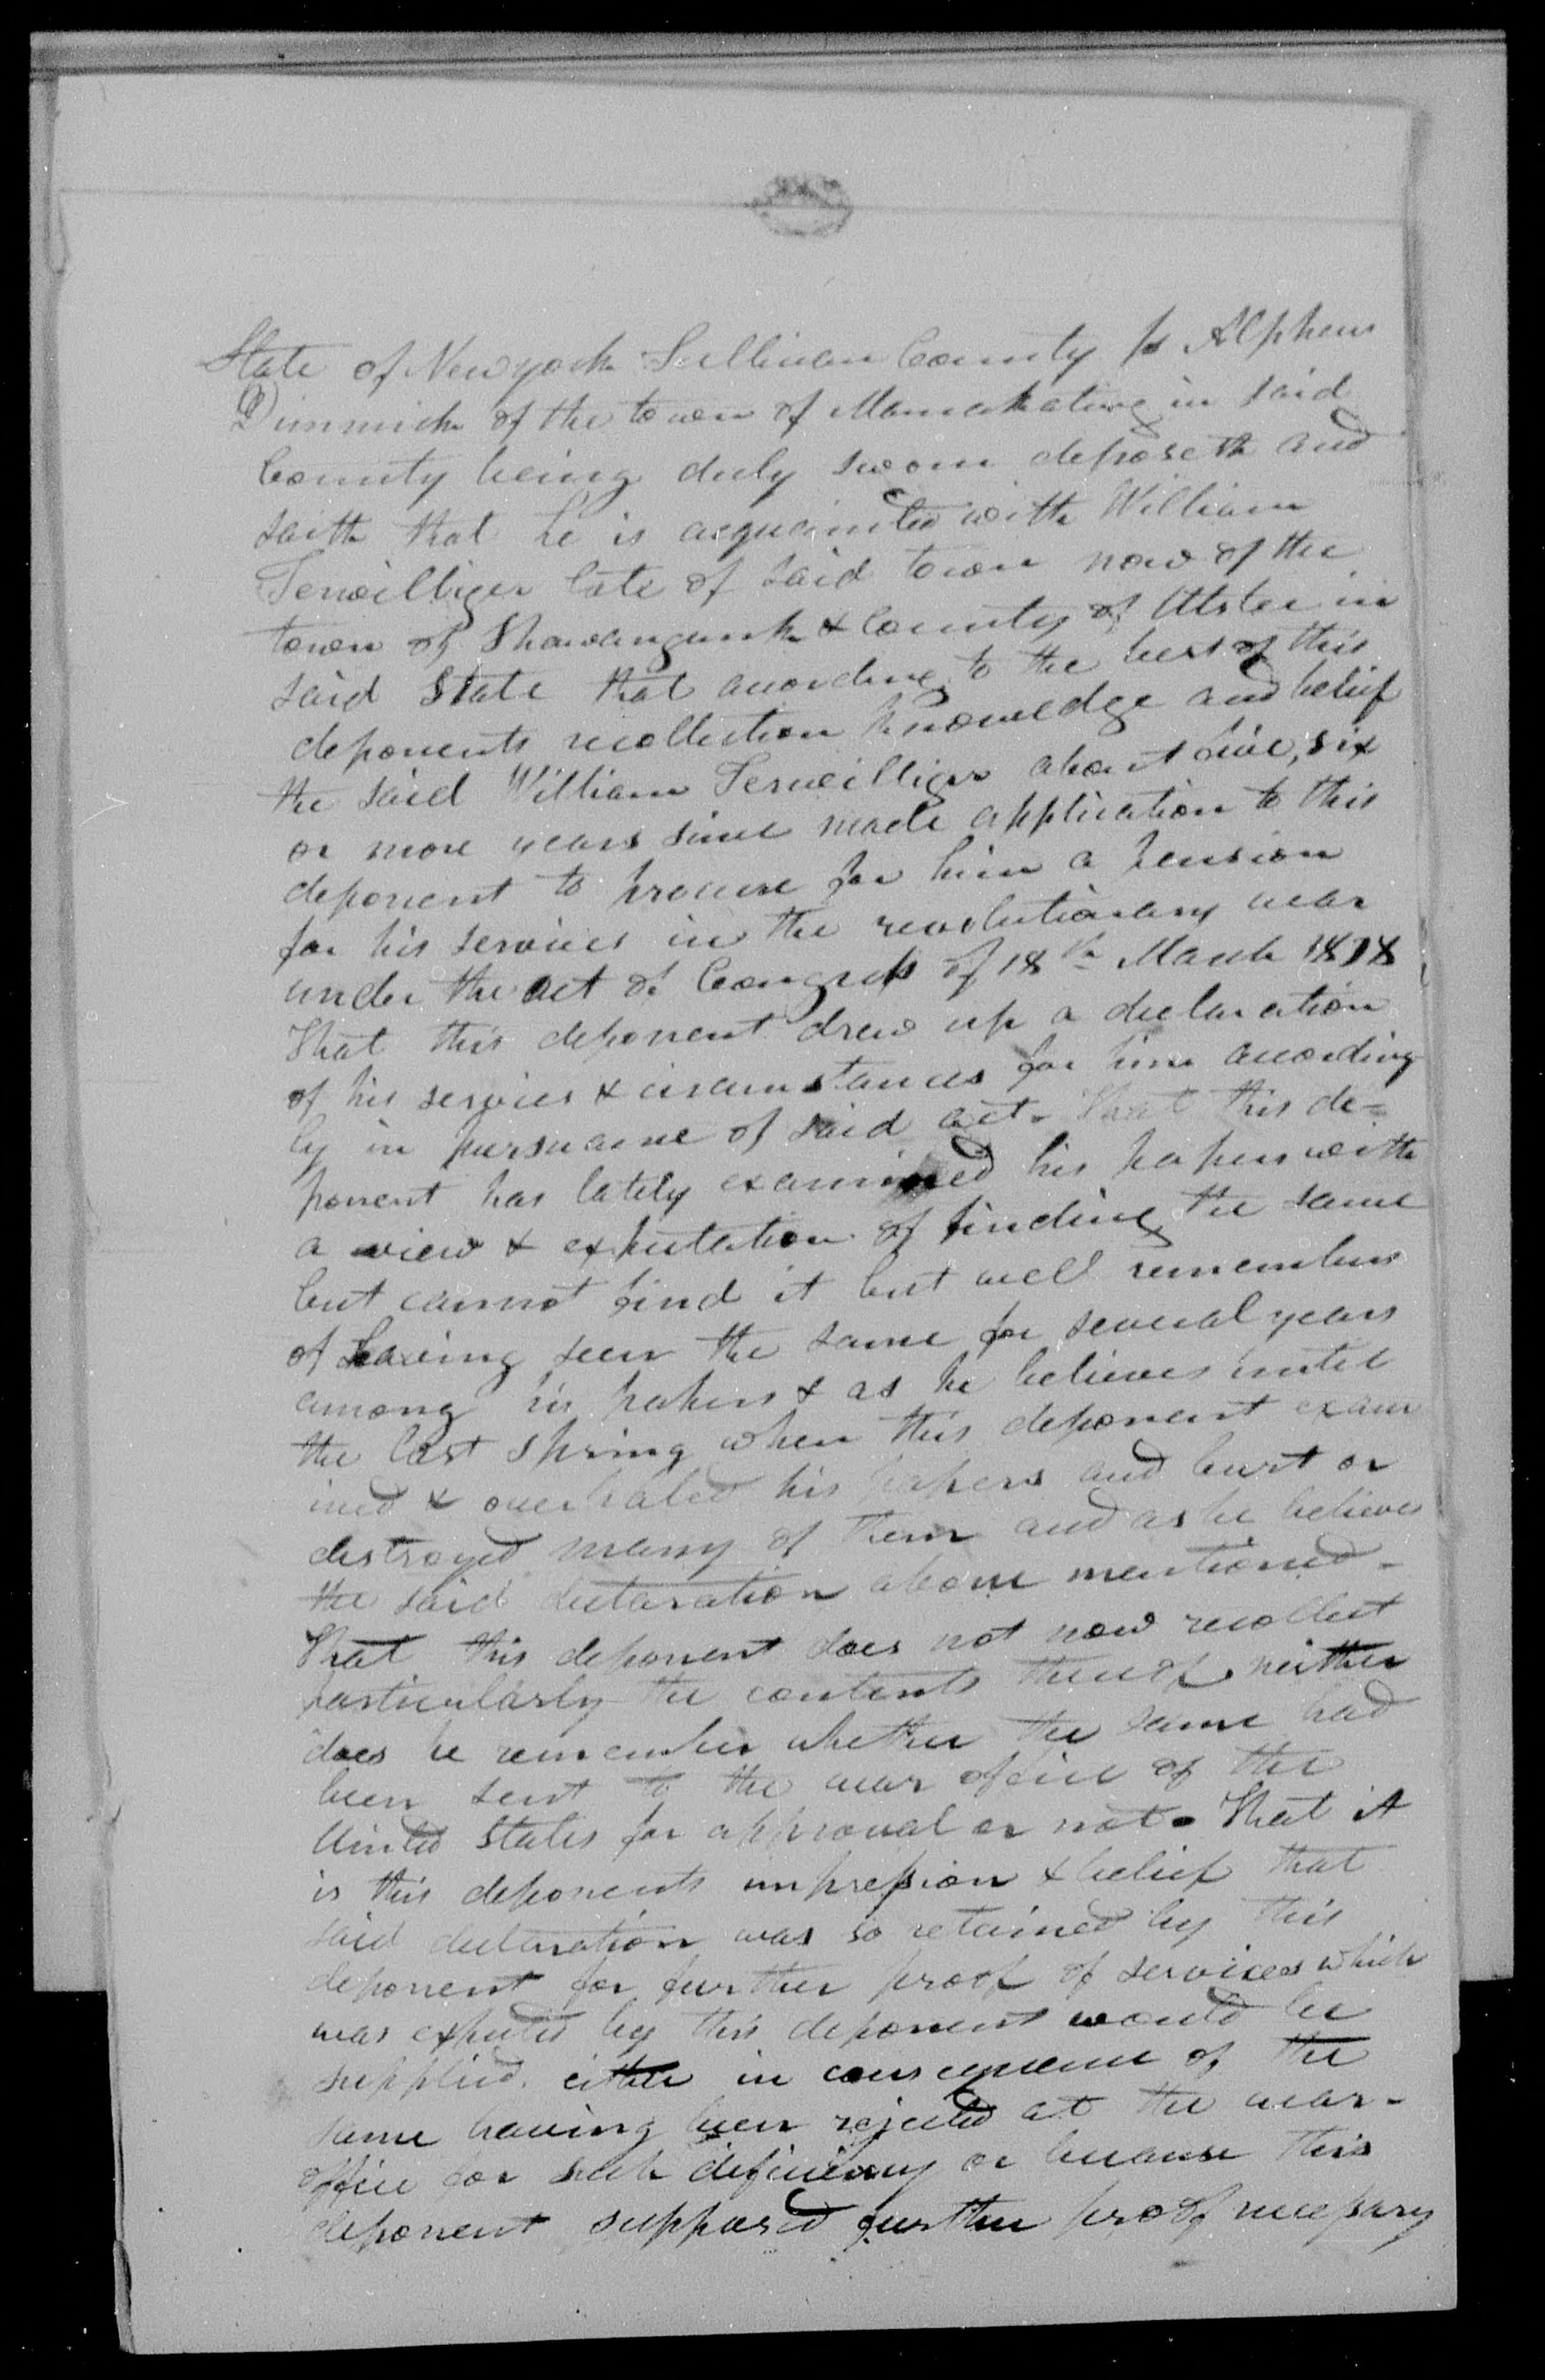State of New York Sullivan County Alpheus
Dimmich of the town of Mamakating in said
County being duly sworn deposeth and
saith that he is acquainted with William
Terwilliger late of said town now of the
town of Shawangunk & County of Ulster in
said State that according to the best of this
deponents recollection knowledge and belief
the said William Terwilliger about five, six
or more years since made application to this
deponent to provide for him a pension
for his services in the revolutionary war
under the act of Congress of 18th March 1818
That this deponent drew up a declaration
of his service & circumstances for him according
by in pursuance of said act. That this deponent has lately examined his papers with
a view & expectation of finding the same
but cannot find it but well remembers
of having seen the same for several years
among his papers & as he believes until
the last spring when this deponent exam
in & [illegible] his papers and burnt or
destroyed many of them and as he believes
the said declaration above mentioned that
this deponent does not now recollect
particularly the contents thereof neither
does he remember whether the same had been
sent to the near office of the
United States for approval or not. That it is
this deponents impression & belief that
said declaration was so retained by this
deponent for further proof of services which
was expected by this deponent would be
supplied either in consequence of the same
having been rejected at the war
office for such deficiency or because this
deponent supposed further proof necessary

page: 34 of 64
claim: survivor's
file: S. 42,464, for William Terwilliger, New York